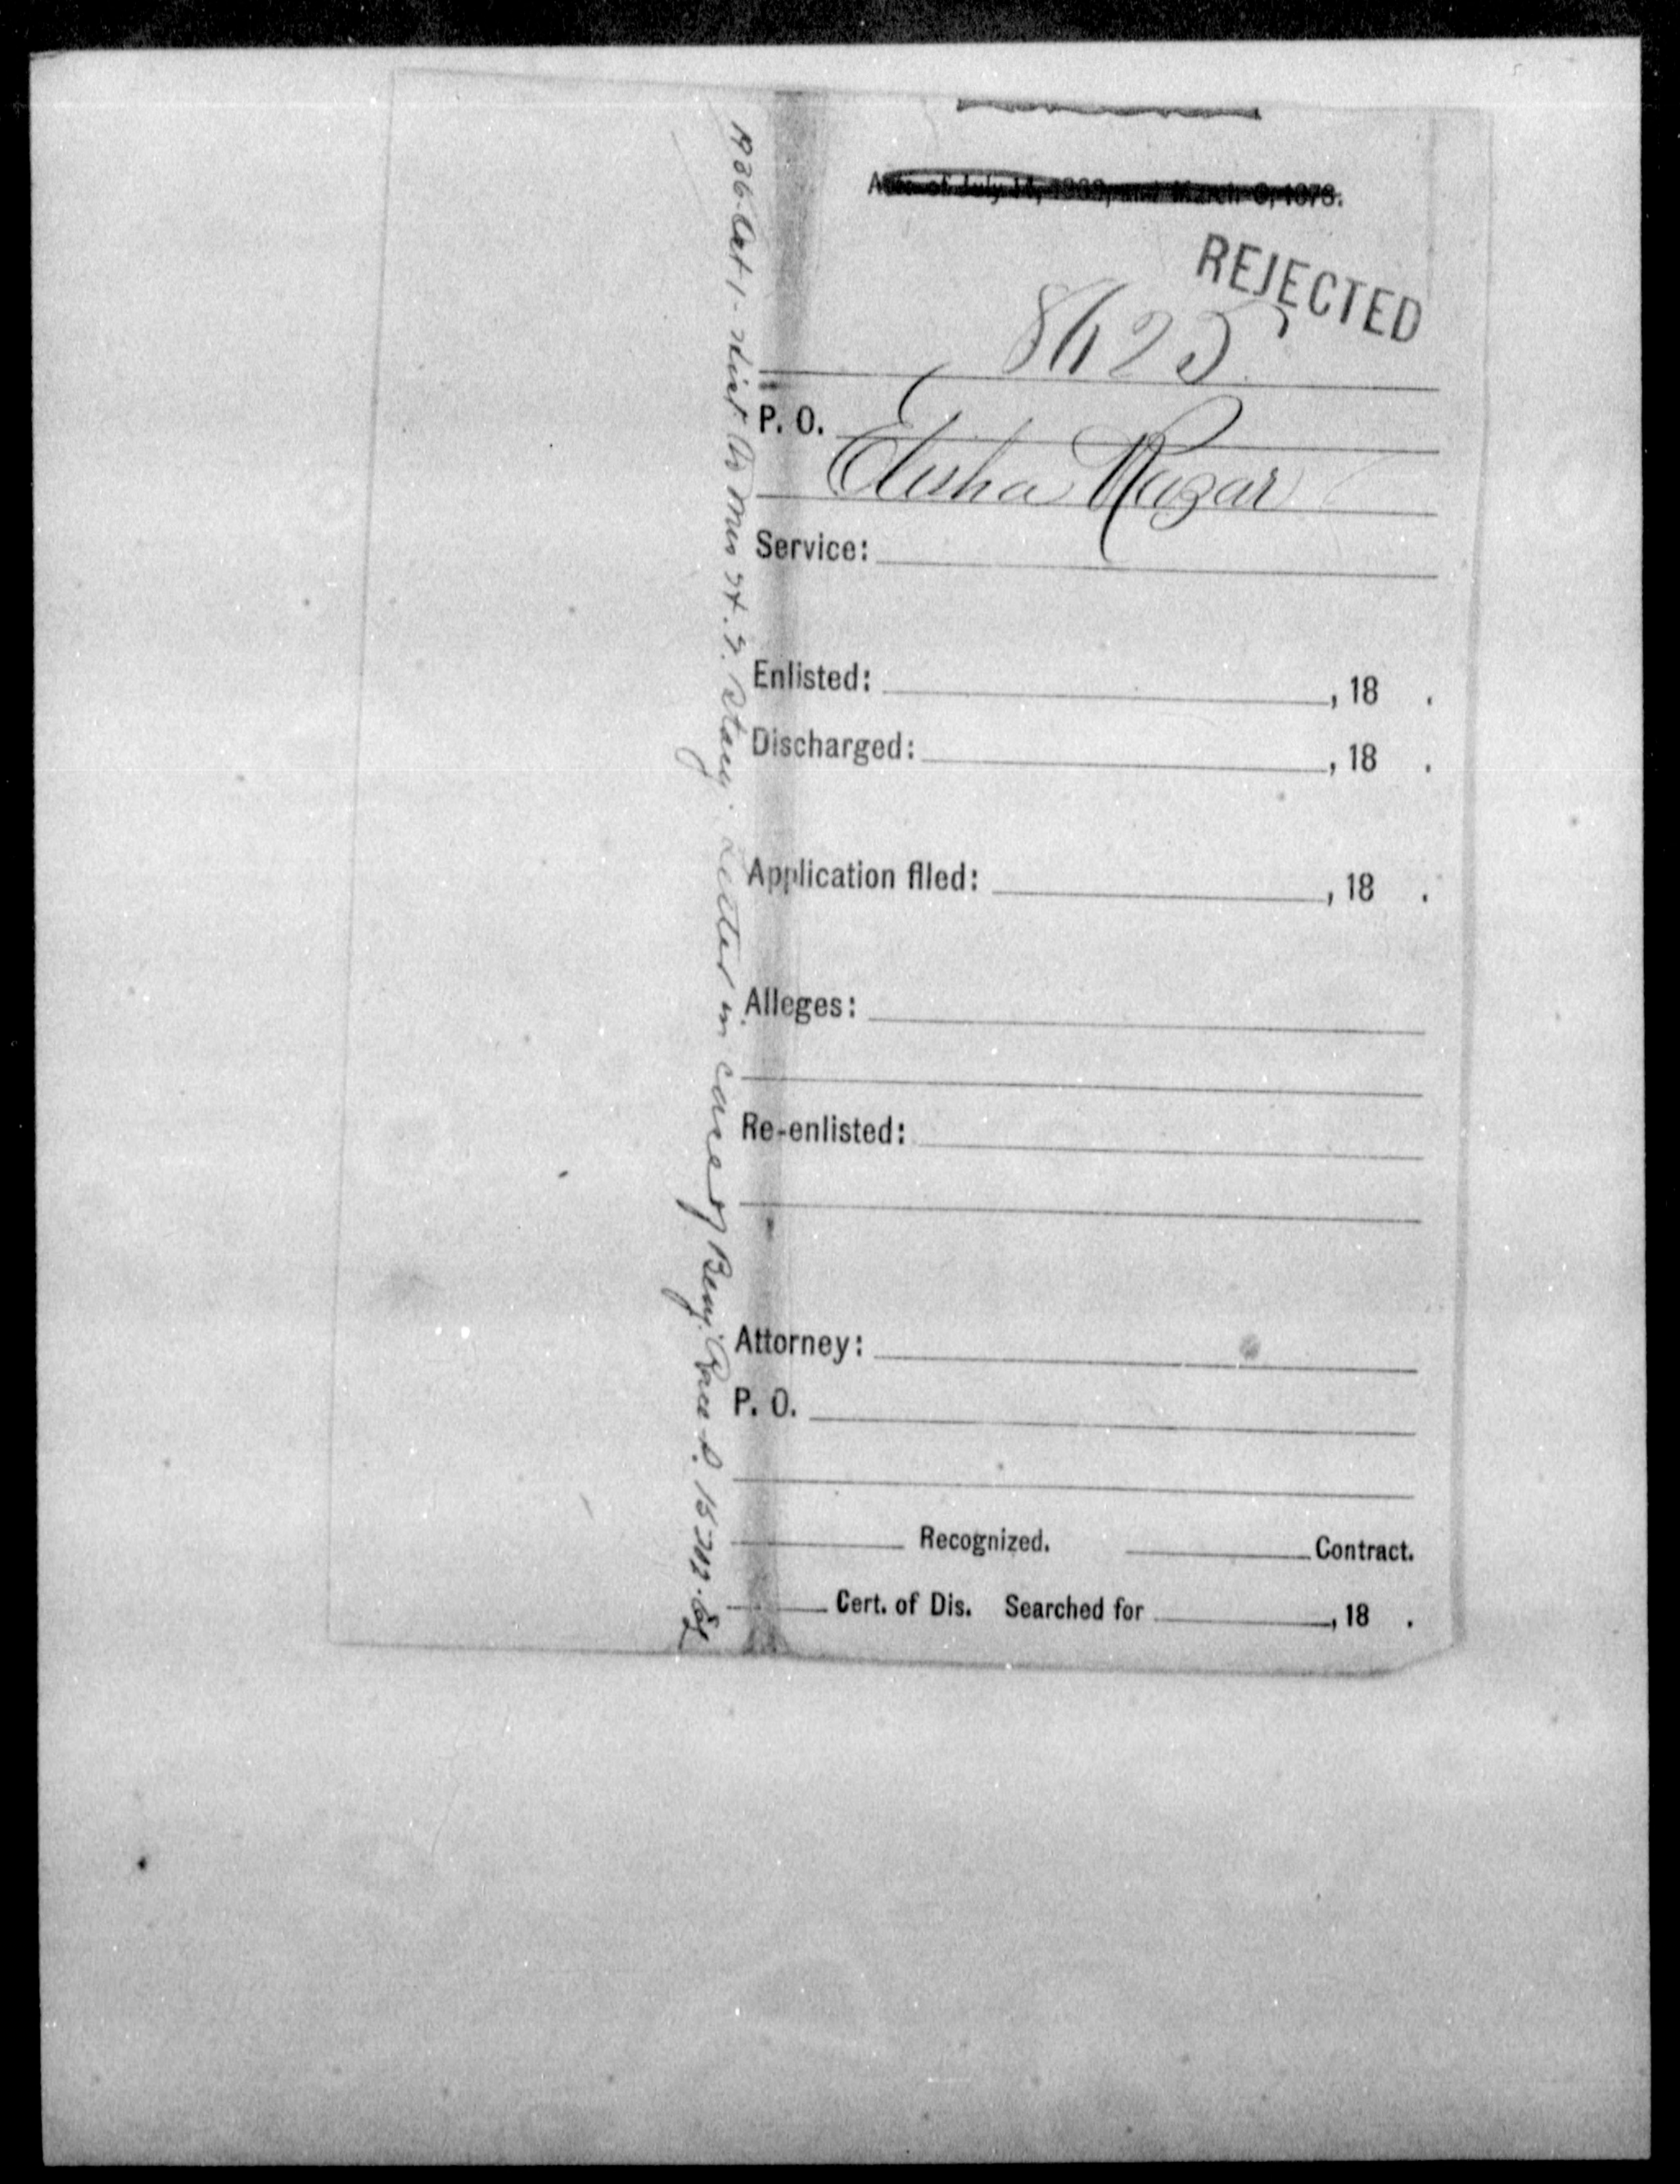8625    REJECTED

P.O. Elisha Razar
Service:
Enlisted:___, 18  .
Discharged:__, 18  .
Application filed__, 18  . 
Alleges:
Re-enlisted:
Attorney:
P.O.

__Recognized.   __ Contract.
__ Cert. of Dis.  Searched for __ 18  .

1936 Oct 1
[kirt] Ro Mrs. H. V. Stacy Letter in care of Benji Race P. 15202. EZ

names: H V Stacy; Benj Race; Elisha Razar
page: 11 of 30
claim: rejected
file: R. 8625, for Elisha Razar, Connecticut